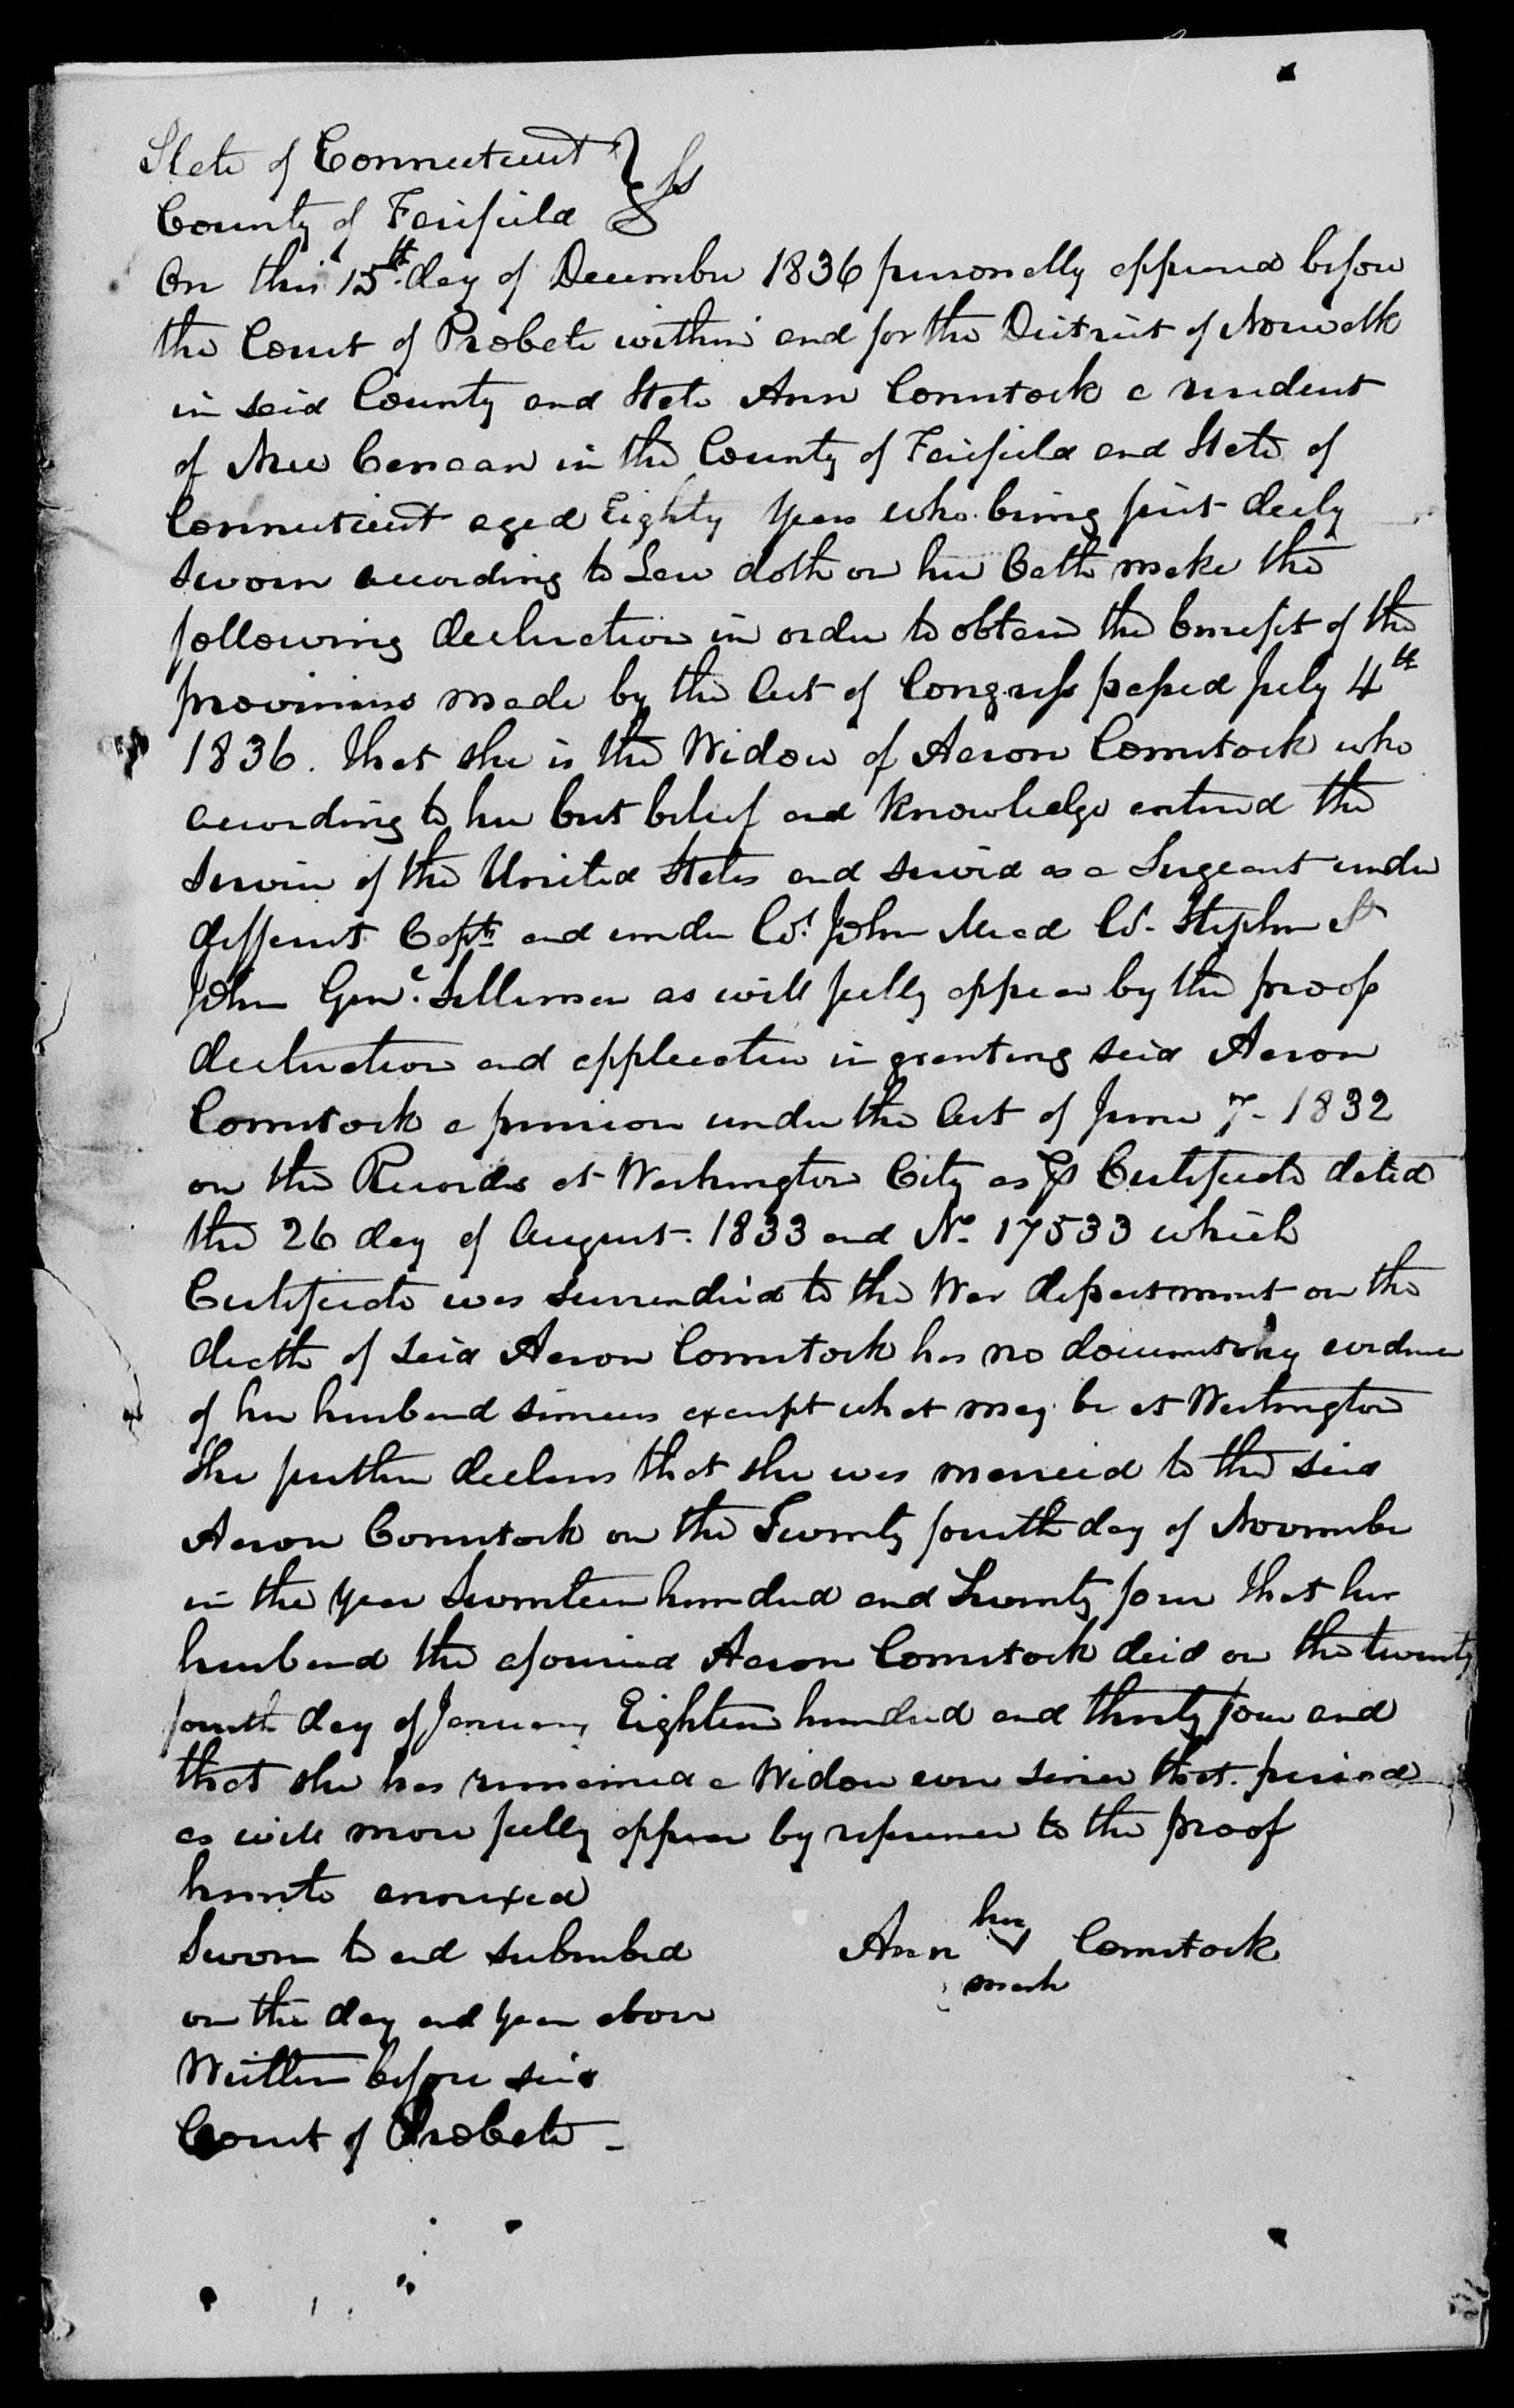State of Connecticut
County of Fairfield Ss
On this 15th day of December 1836 personally appeared before the Court of Probate within and for the District of Norwalk in said County and State Ann Comstock a resident of New Canaan in the County of Fairfield and State of Connecticut aged Eighty years who being first duly sworn according to Law doth on her Oath make the following declaration in order to obtain the benefit of the provisions made by the Act of Congress passed July 4th 1836. That she is the Widow of Aaron Comstock who according to her best belief and Knowledge entered the Service of the United States and served as a Sergeant under different Capts. and under Col. John Mead Col. Stephen St John Genl Silliman as will fully appear by the proofs declarations and applications in granting said Aaron Comstock a pension under the Act of June 7 - 1832 on the Records at Washington City as [illegible] Certificate dated the 26 day of August 1833 and No. 17533 which Certificate was surrendered to the War Department on the death of said Aaron Comstock has no documentary evidence of her husband services except what may be at Washington  She further declares that she was married to the said Aaron Comstock on the Twenty fourth day of November in the year Seventeen hundred and Seventy four that her husband the aforesaid Aaron Comstock died on the twenty fourth day of January Eighteen hundred and thirty four and that she has remained a Widow ever since that period as will more fully appear by reference to the proof hereto annexed
Sworn to and subscribed  her
Ann X Comstock
mark
on the day and year above
Written before said
Court of Probate -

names: Aaron Comstock, Ann Comstock, Stephen St John, Aaron Comstock, Aaron Comstock, John Mead, Aaron Comstock, Aaron Comstock, Selliman, Ann Comstock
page: 9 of 43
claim: widow's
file: W. 17,647, Aaron Comstock, Conn.